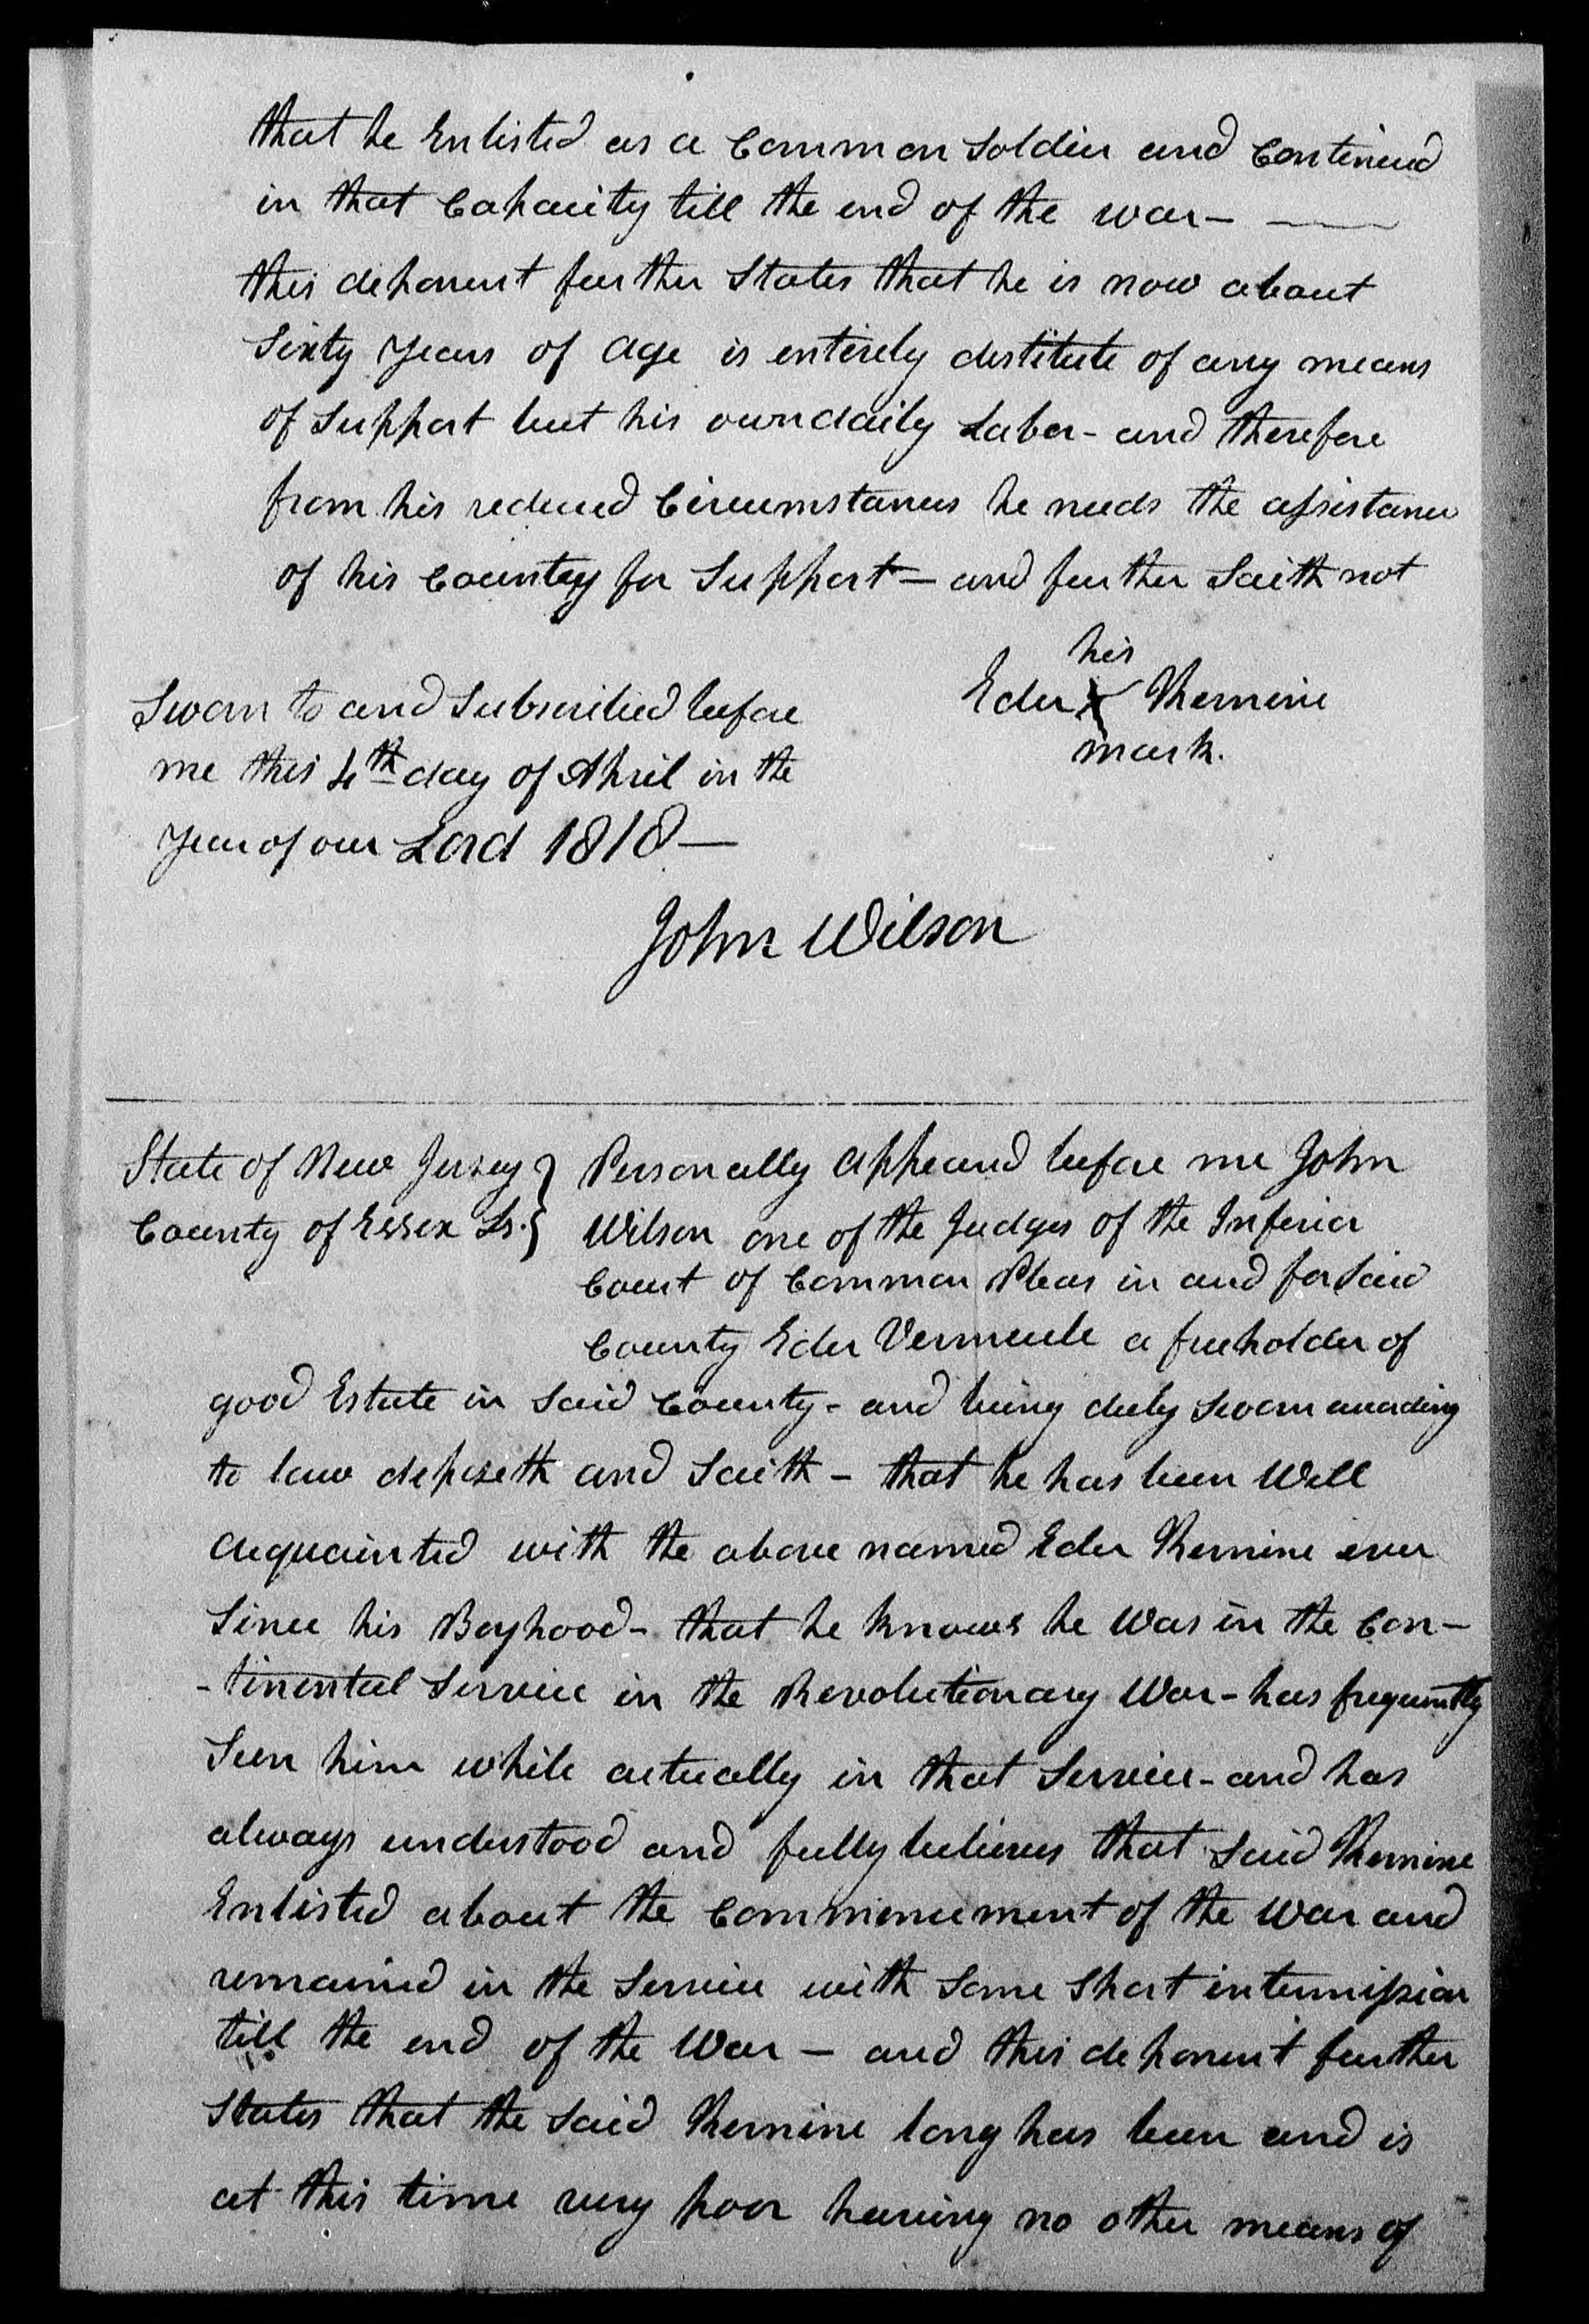that he enlisted as a common soldier and continued
in that capacity till the end of the war this
deponent further states that he is now about
sixty years of age is entirely destitute of any means
of support but his own daily labor and therefore
from his reduced circumstances he needs the assistance
of his country for support and further saith not
his
in to and subscribed before
Eder Kernine
me this 4th day of April in the
year
of our Lord 1818-
State of New Jersey ⎬
County of Essex ⎬
John Wilson
mark.
Personally appeared before me John
Wilson one of the Judges of the Inferior
Court of Common Pleas in and for said
County Eder Vermont a freeholder of
good Estate in said County and being duly sworn acading
to law deposeth and saith that he has been well
acquainted with the above named Eder Kernine ever
since his boyhood-- that he knows he was in the continental
service in the Revolutionary War has frequently
seen him while actually in that service and has
always understood and fully believes that said Remine
Enlisted about the commencement of the war and
remained in the service with some short intermission
till the end of the War and this deponent further
States that the said Kernine long has been and is
at this time very hour having no other means of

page: 8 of 15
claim: survivor's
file: S. 33351, for Eder Kernine, New Jersey